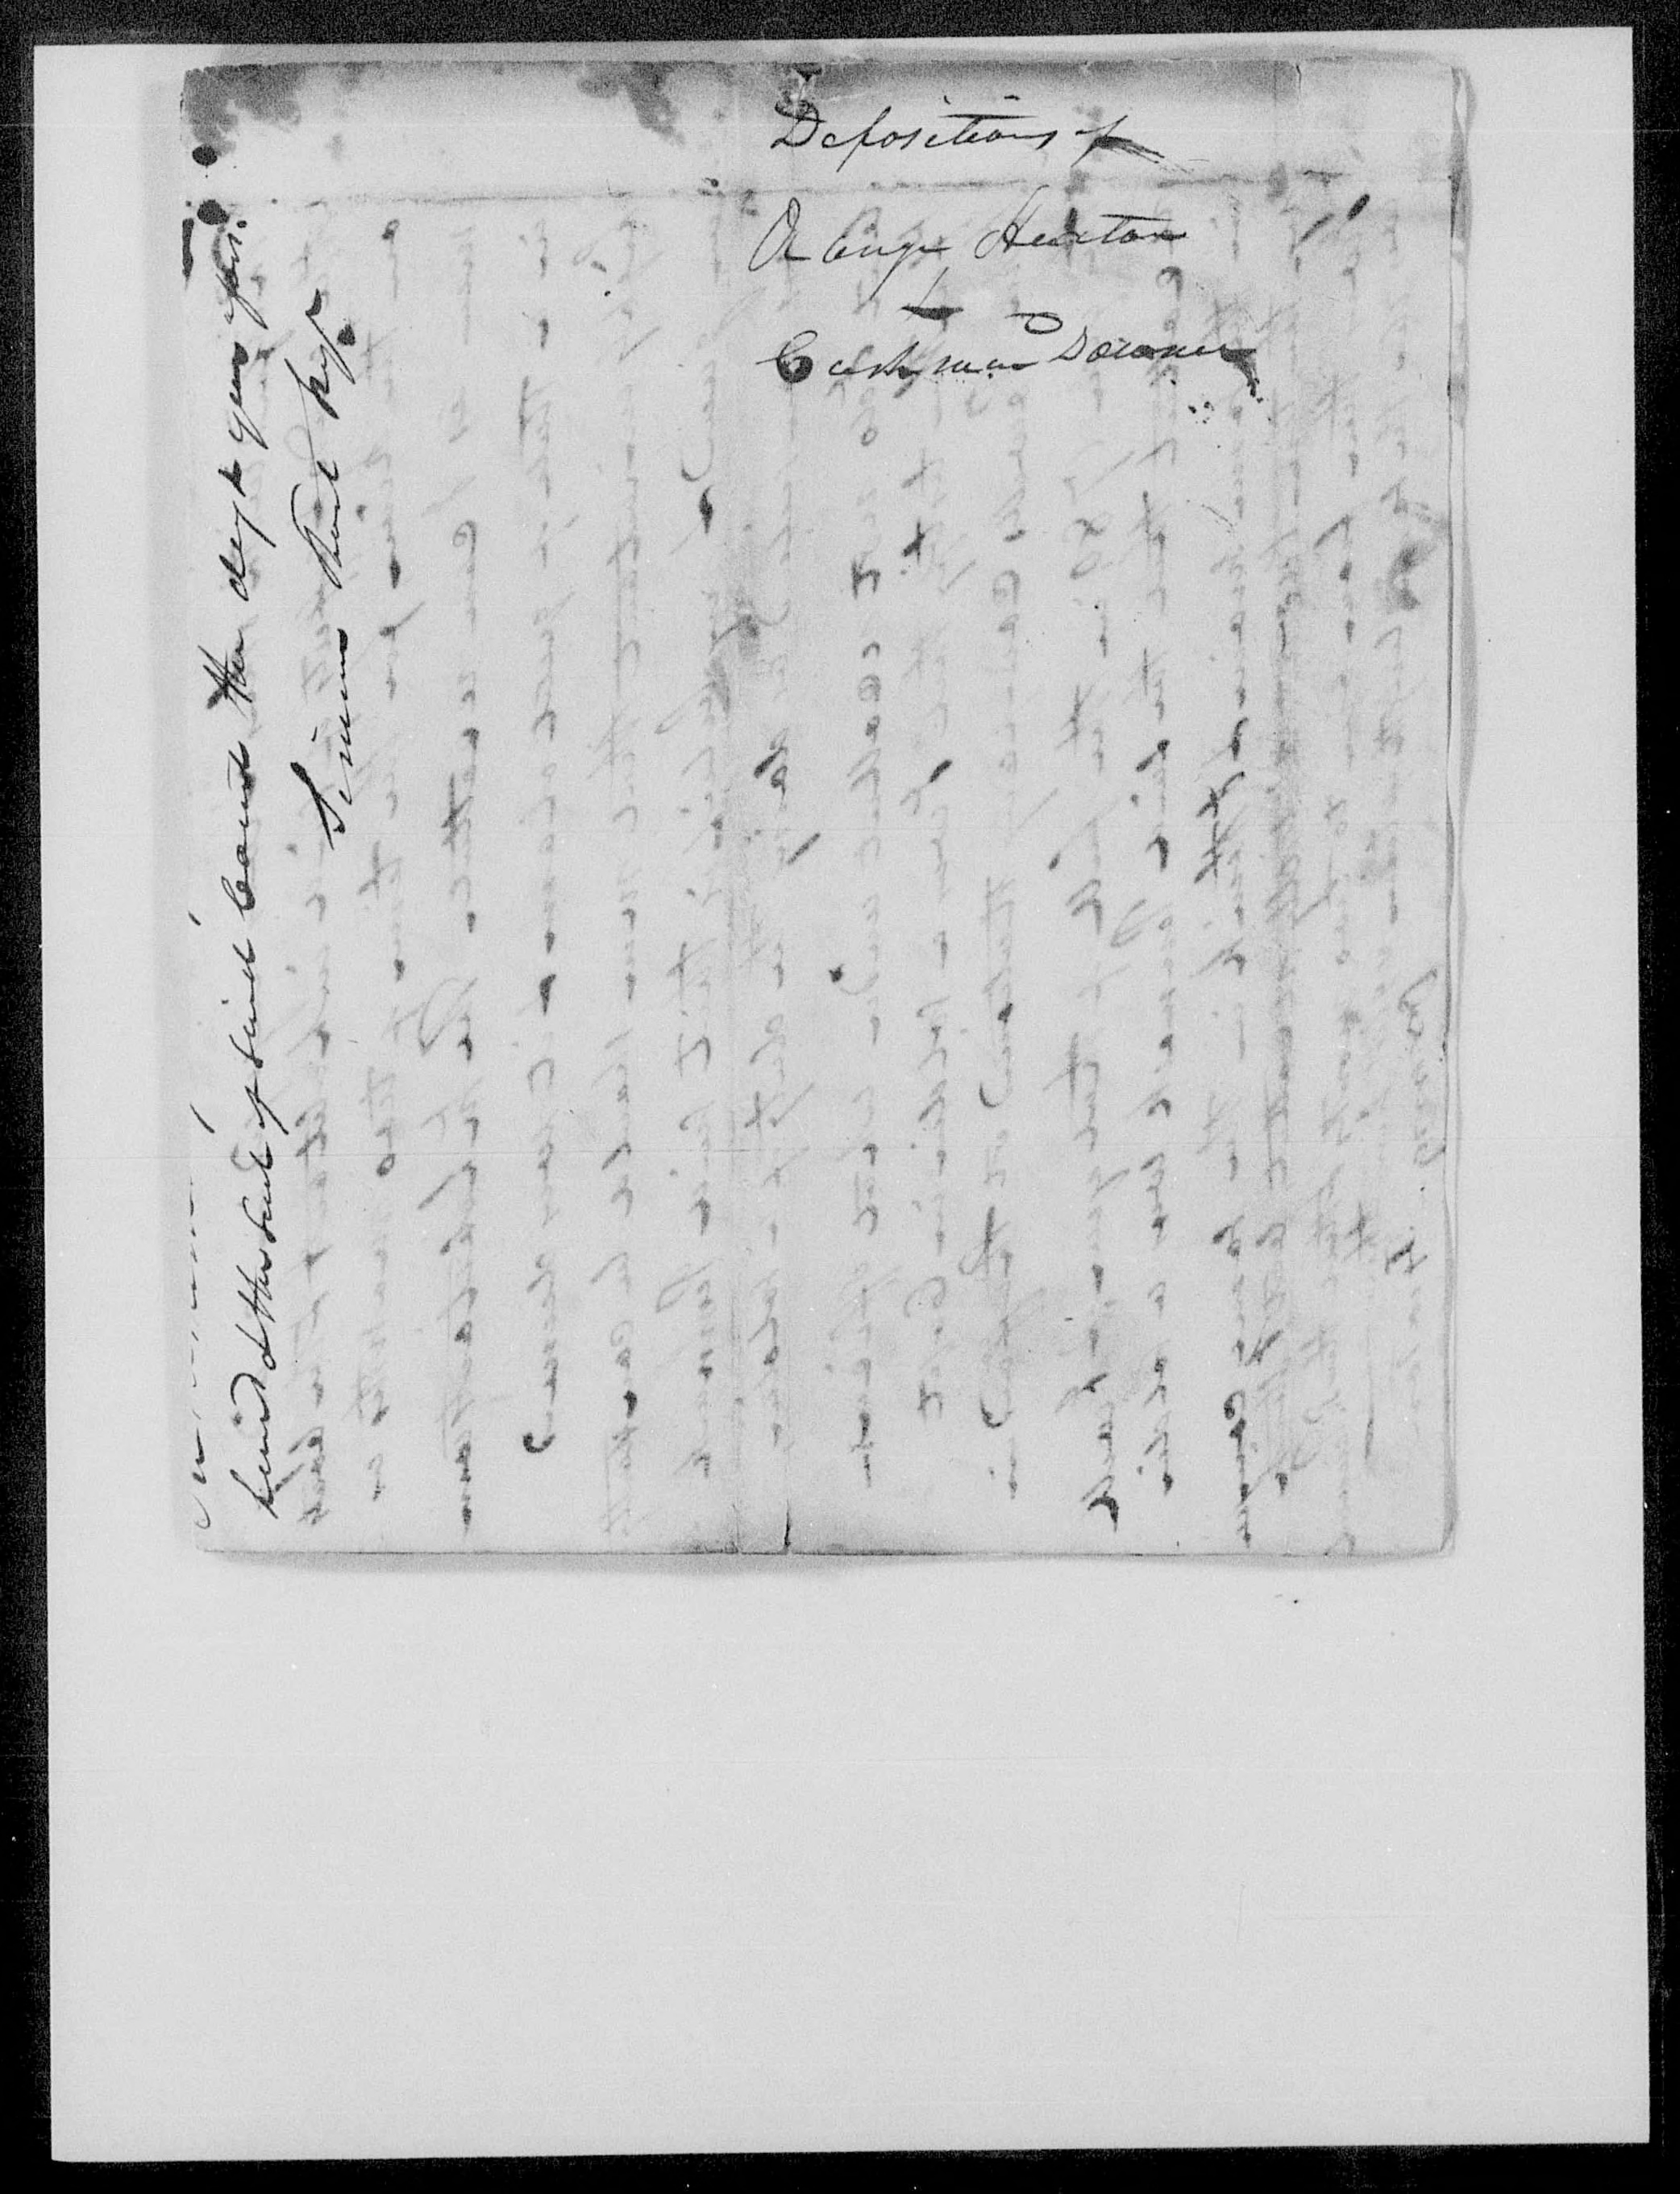Depositions of 
Orange Heaton
&
[illegible]

[written vertically on the left-hand side of the page]

kind & the seal of said Court [illegible] day & year for.

Sincere [illegible]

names: Orange Heaton; Simeon Short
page: 8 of 12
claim: survivor's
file: S. 18,158, for Haman Pennock, Vermont